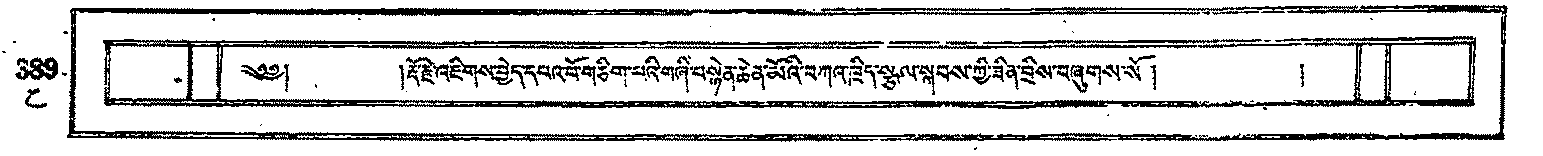༄༅། །རྡོ་རྗེ་འཇིགས་བྱེད་པའ་བོ་གཅིག་པའི་གཞི་བསྙེན་ཆེན་མོའི་བཀའ་ཁྲིད་སྩལ་སྐབས་ཀྱི་ཟིན་བྲི་བཟུགས་སོ་